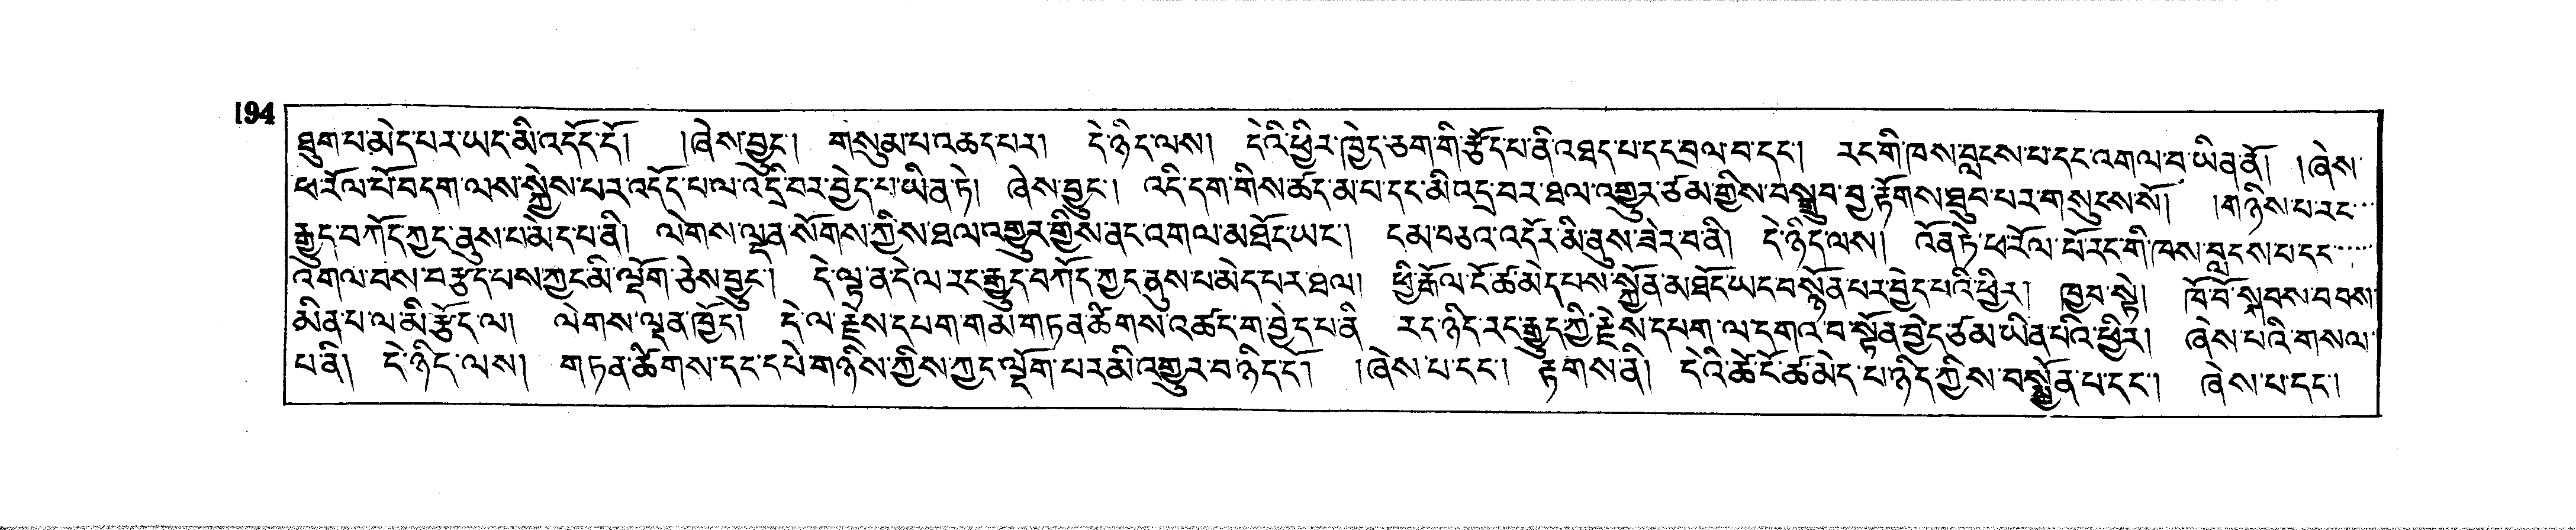ཐུག་པ་མེད་པར་ཡང་མི་འདོད་དོ། །ཞེས་བྱུང་། གསུམ་པ་འཆད་པར། དེ་ཉིད་ལས། དེའི་ཕྱིར་ཁྱེད་ཅག་གི་རྩོད་པ་ནི་འཐད་པ་དང་བྲལ་བ་དང་། རང་གི་ཁས་བླངས་པ་དང་འགལ་བ་ཡིན་ནོ། །ཞེས་
ཕ་རོལ་པོ་བདག་ལས་སྐྱེས་པར་འདོད་པ་ལ་འདྲི་བར་བྱེད་པ་ཡིན་ཏེ། ཞེས་བྱུང་། འདི་དག་གིས་ཚད་མ་པ་དང་མི་འདྲ་བར་ཐལ་འགྱུར་ཙམ་གྱིས་བསྒྲུབ་བྱ་རྟོགས་ཐུབ་པར་གསུངས་སོ། །གཉིས་པ་རང་
རྒྱུད་བཀོད་ཀྱང་ནུས་པ་མེད་པ་ནི། ལེགས་ལྡན་སོགས་ཀྱིས་ཐལ་འགྱུར་གྱིས་ནང་འགལ་མཐོང་ཡང་། དམ་བཅའ་འདོར་མི་ནུས་ཟེར་བ་ནི། དེ་ཉིད་ལས། འོན་ཏེ་ཕ་རོལ་པོ་རང་གི་ཁས་བླངས་པ་དང་
འགལ་བས་བརྩད་པས་ཀྱང་མི་ལྡོག་ཅེས་བྱུང་། དེ་ལྟ་ན་དེ་ལ་རང་རྒྱུད་བཀོད་ཀྱང་ནུས་པ་མེད་པར་ཐལ། ཕྱི་རྒོལ་ངོ་ཚ་མེད་པས་སྐྱོན་མཐོང་ཡང་བསྙོན་པར་བྱེད་པའི་ཕྱིར། ཁྱབ་སྟེ། ཁོ་བོ་སྐབས་བབས་
མིན་པ་ལ་མི་རྩོད་ལ། ལེགས་ལྡན་ཁྱོད། དེ་ལ་རྗེས་དཔག་གམ་གཏན་ཚིགས་འཚང་ག་བྱེད་པ་ནི། རང་ཉིད་རང་རྒྱུད་ཀྱི་རྗེས་དཔག་ལ་དགའ་བ་སྟོན་བྱེད་ཙམ་ཡིན་པའི་ཕྱིར། ཞེས་པའི་གསལ་
པ་ནི། དེ་ཉིད་ལས། གཏན་ཚིགས་དང་དཔེ་གཉིས་ཀྱིས་ཀྱང་ལྡོག་པར་མི་འགྱུར་བ་ཉིད་དོ། །ཞེས་པ་དང་། རྟགས་ནི། དེའི་ཚེ་ངོ་ཚ་མེད་པ་ཉིད་ཀྱིས་བསྨྱོན་པ་དང་། ཞེས་པ་དང་།